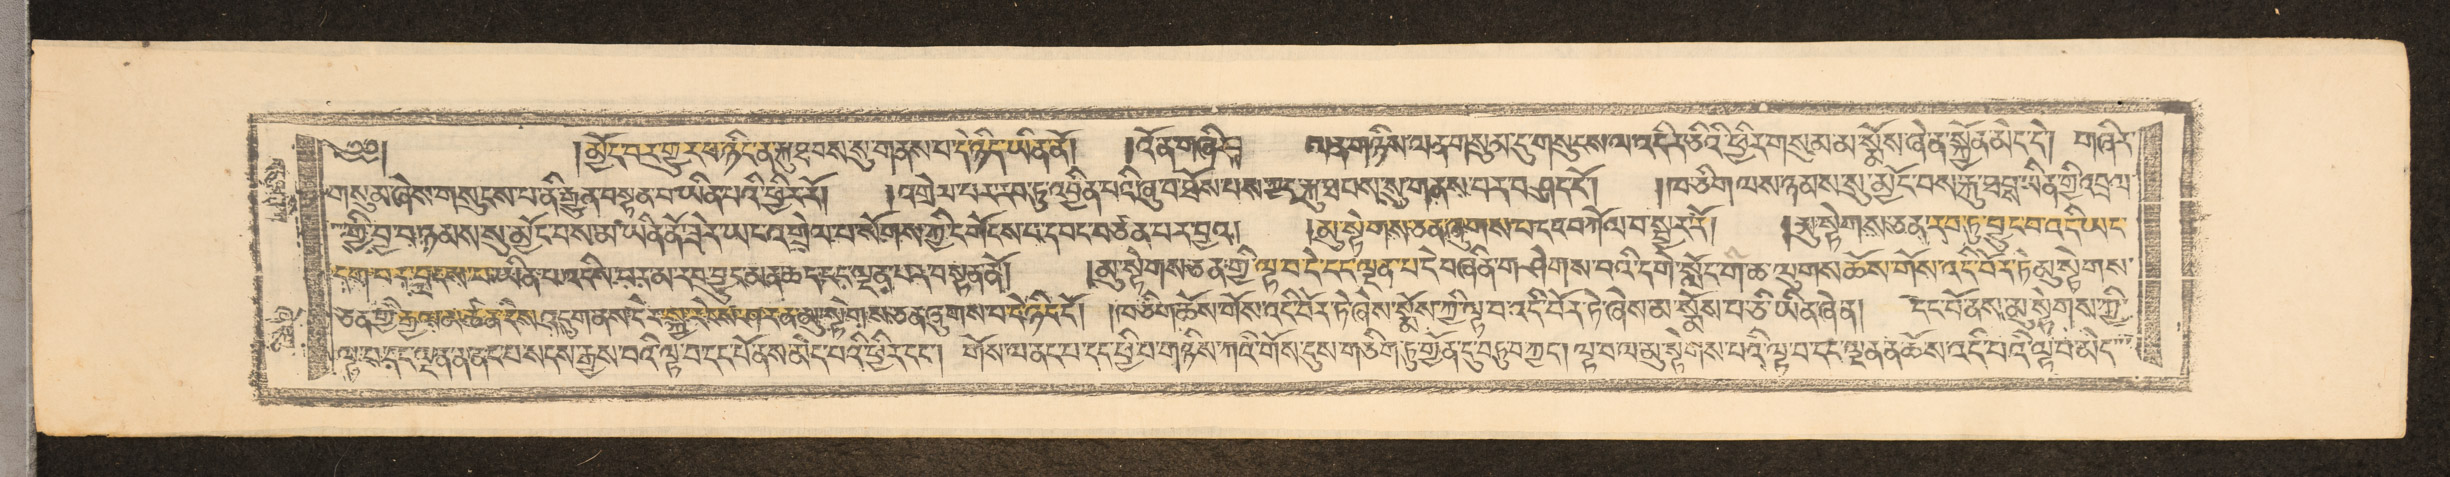༄༅། །མྱོང་བར་གྱུར་པ་ཉིད་ན་རྐུ་ཐབས་སུ་གནས་པ་དེ་ཉིད་ཡིན་ནོ། །འོ་ན་གཞིར། ལན་གཉིས་ལན་གསུམ་དུ་གསུངས་ལ་འདིར་ཅིའི་ཕྱིར་གསུམ་མ་སྨོས་ཞེ་ན་སྐྱོན་མེད་དེ། གཞིར་
གསུམ་ཞེས་གསུངས་པ་ནི་རྒྱུན་བསྟན་པ་ཡིན་པའི་ཕྱིར་རོ། །འགྲེལ་པར་རབ་ཏུ་འབྱིན་པའི་ཞུ་བ་ཐོས་པས་ཀྱང་རྐུ་ཐབས་སུ་གནས་པར་བཤད་དོ། །ཁ་ཅིག་ལས་ཉམས་སུ་མྱོང་བས་རྐུ་ཐབས་ཡིན་གྱི་འཕྲལ་
གྱི་བྱ་བ་ཉམས་སུ་མྱོང་བས་མ་ཡིན་ནོ་ཟེར་ཡང་འགྲེལ་པ་སོགས་ཀྱི་དགོངས་པ་དབང་བཙན་པར་བྱའོ། །མུ་སྟེགས་ཅན་ཞུགས་པ་དང་བཀོལ་བ་སྦྱར་རོ། །མུ་སྟེགས་ཅན་རབ་ཏུ་བྱུང་བ་འདི་ཡང་
དག་པར་བླངས་པ་ཡིན་པ་འདིས་བར་མ་རབ་བྱུང་མན་ཆད་དང་ལྡན་པར་བསྟན་ནོ། །མུ་སྟེགས་ཅན་གྱི་ལྟ་བ་དེ་དང་ལྡན་པ་དེ་བཞིན་གཤེགས་པའི་དགེ་སློང་གི་ཆ་ལུགས་ཆོས་གོས་འདི་བོར་ཏེ་མུ་སྟེགས་
ཅན་གྱི་རྒྱལ་མཚན་དེས་འདུག་ནས་དེར་སྐྱ་རེངས་ཤར་ན་མུ་སྟེགས་ཅན་ཞུགས་པ་དེ་ཉིད་དོ། །ཁ་ཅིག་ཆོས་གོས་འདི་བོར་ཏེ་ཞེས་སྨོས་ཀྱི་ལྟ་བ་འདི་བོར་ཏེ་ཞེས་མ་སྨོས་པ་ཅི་ཡིན་ཞེ་ན། དང་པོ་ནས་མུ་སྟེགས་ཀྱི་
ལྟ་བ་དང་ལྡན་ན་ནང་པ་སངས་རྒྱས་པའི་ལྟ་བ་དང་པོ་ནས་མེད་པའི་ཕྱིར་དང་། གོས་ལ་ནང་པ་དང་ཕྱི་བ་གཉིས་ཀའི་གོས་དུས་གཅིག་ཏུ་གྱོན་དུ་བཏུབ་ཀྱང་། ལྟ་བ་ལ་མུ་སྟེགས་བའི་ལྟ་བ་དང་ལྡན་ན་ཆོས་འདི་པའི་ལྟ་བ་མེད་